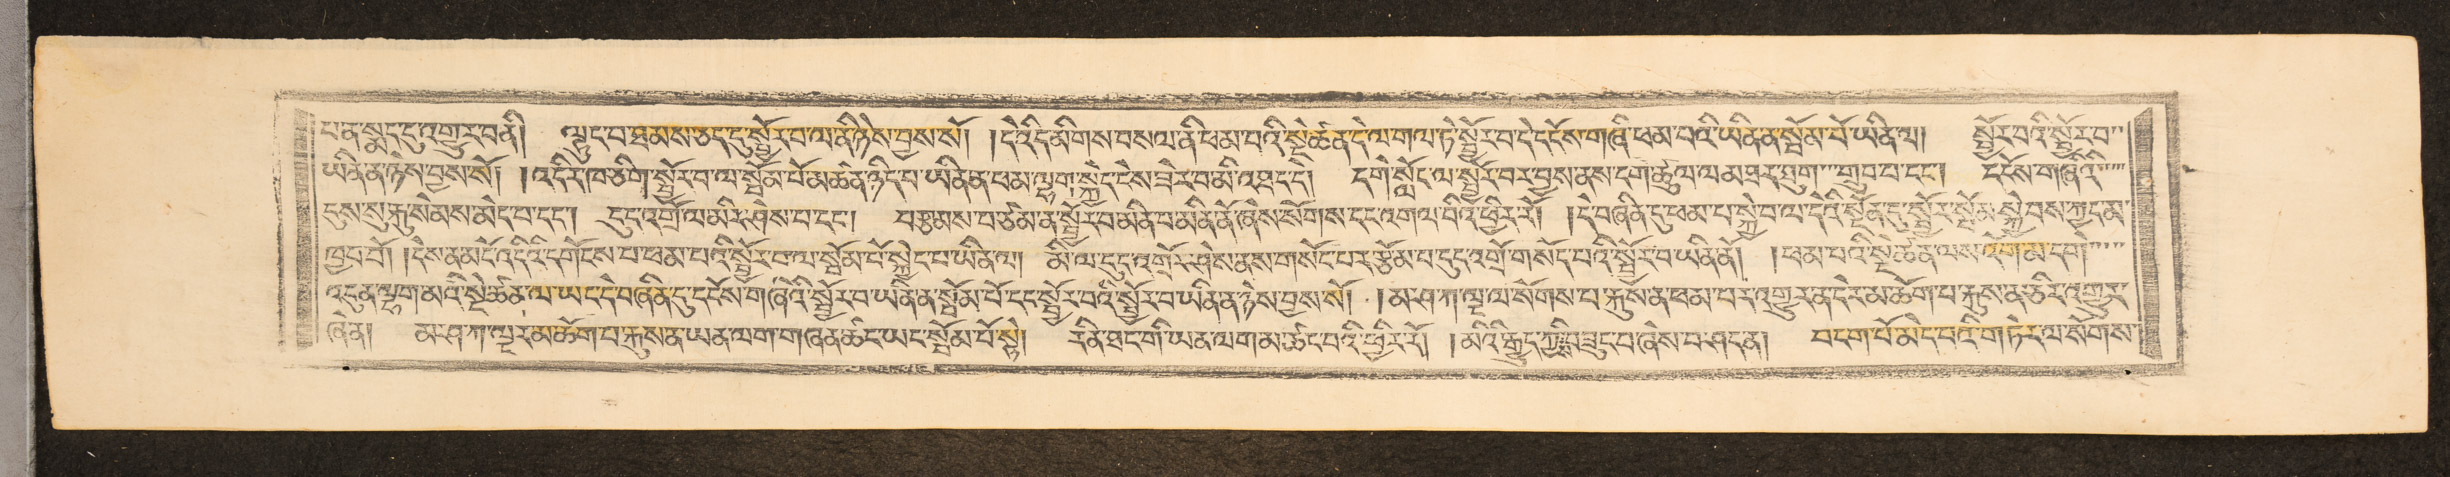པ་ན་སྨད་དུ་འགྱུར་བ་ནི། ལྟུང་བ་ཐམས་ཅད་དུ་སྦྱོར་བ་ལ་ནི་ཉེས་བྱས་སོ། །དེའི་དམིགས་བསལ་ནི་ཕམ་པའི་སྡེ་ཚན་དེ་ལ་གལ་ཏེ་སྦྱོར་བ་དེ་དངོས་གཞི་ཕམ་པའི་ཡིན་ན་སྦོམ་པོ་ཡིན་ལ། སྦྱོར་བའི་སྦྱོར་བ་
ཡིན་ན་ཉེས་བྱས་སོ། །འདིར་ཁ་ཅིག་སྦྱོར་བ་ལ་སྦོམ་པོ་མཚན་ཉིད་པ་ཡིན་ན་ཕམ་ལྷག་སྐྱེད་ངེས་ཟེར་བ་མི་འཐད་དེ། དགེ་སློང་ལ་སྦྱོར་བར་བྱས་ནས་དགེ་ཚུལ་ལ་མཐར་ཐུག་གྲུབ་པ་དང་། དངོས་གཞིའི་
དུས་སུ་རྐུ་སེམས་མེད་པ་དང་། དུད་འགྲོ་ལ་མིར་ཤེས་པ་དང་། བརྩམས་པ་ཙམ་ན་སྦྱོར་བ་མིན་པ་མིན་ནོ་ཞེས་སོགས་དང་འགལ་བའི་ཕྱིར་རོ། །དེ་བཞིན་དུ་ཕམ་པ་སྐྱེ་བ་ལ་དེའི་སྔོན་དུ་སྦྱོར་སྦོམ་སྐྱེ་བས་ཀྱང་མ་
ཁྱབ་བོ། །དེས་ན་མདོ་འདིའི་དགོངས་པ་ཕམ་པའི་སྦྱོར་བ་ལ་སྦོམ་པོ་སྐྱེད་པ་ཡིན་ལ། མི་ལ་དུད་འགྲོར་ཤེས་ནས་གསོད་པར་རྩོམ་པ་དུད་འགྲོ་གསོད་པའི་སྦྱོར་བ་ཡིན་ནོ། །ཕམ་པའི་སྡེ་ཚན་ལས་འོག་མ་དགེ་
འདུན་ལྷག་མའི་སྡེ་ཚན་ལ་ཡང་དེ་བཞིན་དུ་དངོས་གཞའི་སྦྱོར་བ་ཡིན་ན་སྦོམ་པོ་དང་སྦྱོར་བའི་སྦྱོར་བ་ཡིན་ན་ཉེས་བྱས་སོ། །མ་ཤ་ཀ་ལྔ་ལ་སོགས་པ་རྐུས་ན་ཕམ་པར་འགྱུར་ན་དེར་མ་ཆོག་པ་རྐུས་ན་ཅིར་འགྱུར་
ཞེ་ན། མ་ཤ་ཀ་ལྔར་མ་ཆོག་པ་རྐུས་ན་ཡན་ལག་གཞན་ཚང་ཡང་སྦོམ་པོ་སྟེ། རིན་ཐང་གི་ཡན་ལག་མ་ཚང་བའི་ཕྱིར་རོ། །མིའི་རྒྱུད་ཀྱིས་བཟུང་བ་ཞེས་བཤད་ན། བདག་པོ་མེད་པའི་གཏེར་ལ་སོགས་